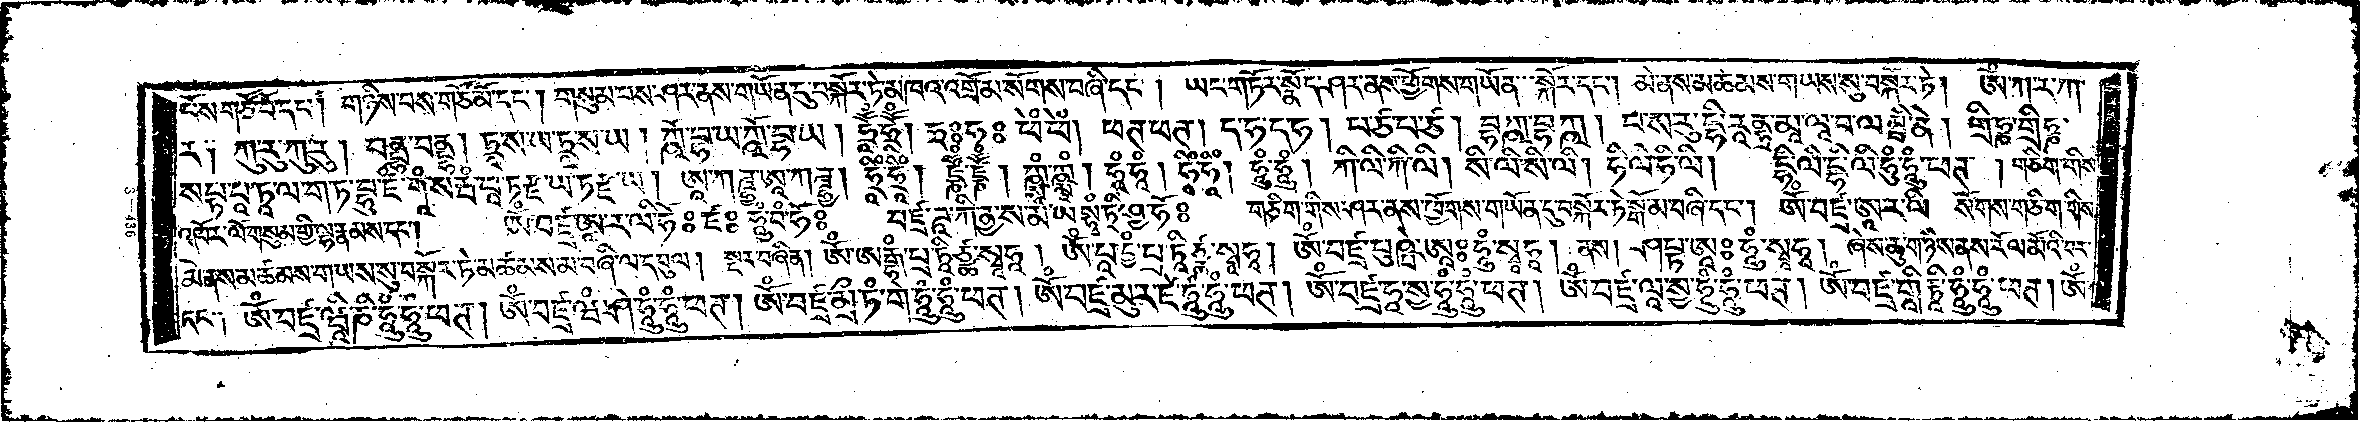ངོས་གཙོ་བོ་དང་། གཉིས་བས་གཙོ་མོ་དང་། གསུམ་པས་ཤར་ནས་གཡོན་དུ་བསྐོར་ཏེ་མཁའ་འགྲོ་མ་སོགས་བཞི་དང་། ཡང་གཏོར་སྣོད་ཤར་ནས་ཕྱོགས་གཡོན་སྐོར་དང་། མེ་ནས་མཚམས་གཡས་སུ་བསྐོར་ཏེ། ཨོཾ་ཀ་ར་ཀ་
ར༑ ཀུ་རུ་ཀུ་རུ། བནྡྷ་བནྡྷ། ཏྲཱ་ས་ཡ་ཏྲཱ་ས་ཡ། ཀྵོ་བྷ་ཡ་ཀྵོ་བྷ་ཡ། ཧརOཨོཾ་ཧརOཨོཾ། ཧྲཿཧཿཕེཾ་ཕེཾ། ཕཊ་ཕཊ། ད་ཧ་ད་ཧ། པ་ཙ་པ་ཙ། བྷ་ཀྵ་བྷ་ཀྵ། པ་ས་རུ་དྷི་རཱནྟྲ་མཱ་ལཱ་བ་ལ་མྦི་ནེ། གྲི་ཧྞ་གྲིཧྞ་
སཔྟ་པཱ་ཏཱ་ལ་ག་ཏ་བྷུ་ཛཾ་གཱཾ་སརྦཾ་བཱ་ཏ་རྫ་ཡ་ཏ་རྫ་ཡ། ཨཱ་ཀཌྜྷྱ་ཨཱ་ཀཌྜྷྱ། ཧྲཱིཾ་ཧྲཱིཾ། ཛྞཽ་ཛྞཽ། ཀྵྨཱཾ་ཀྵྨཱཾ། ཧཱཾ་ཧཱཾ་།ཧཱིཾ་ཧཱིཾ། ཧཱུཾ་ཧཱུཾ། ཀི་ལི་ཀི་ལི། སི་ལི་སི་ལི། ཧི་ལི་ཧི་ལི། དྷི་ལི་དྷི་ལི་ཧུཾ་ཧཱུཾ་ཕཊ། གཅིག་གིས་
འཁོར་ལོ་གསུམ་གྱི་ལྷ་རྣམས་དང་། ཨོཾ་བཛྲ་ཨཱ་ར་ལི་ཧོཿཛཿཧཱུཾ་བཾ་ཧོཿ བཛྲ་ཌཱ་ཀི་ནྱ་ས་མ་ཡ་སྟྭཾ་ཏྲི་ཤྱ་ཧོཿ གཅིག་གིས་ཤར་ནས་ཕྱོགས་གཡོན་དུ་བསྐོར་ཏེ་སྒོམ་བཞི་དང་། ཨོཾ་བཛྲ་ཨཱ་ར་ལི་སོགས་གཅིག་གིས་
མེ་ནས་མཚམས་གཡས་སུ་བསྐོར་ཏེ་མཚམས་མ་བཞི་ལ་དབུལ། སྔར་བཞིན། ཨོཾ་ཨརྒྷཾ་པྲ་ཏཱིཙྪ་སྭཱཧཱ། ཨོཾ་པཱ་དྱཾ་པྲ་ཏཱིཙྪ་སྭཱཧཱ། ཨོཾ་བཛྲ་པུཥྤེ་ཨཱཿཧཱུཾ་སྭཱཧཱ། ནས།  ཤཔྟ་ཨཱཿཧཱུཾ་སྭཱཧཱ། ཞེས་ཆུ་གཉིས་ནས་རོལ་མོའི་བར་
དང༑ ཨོཾ་བཛྲ་ཝཱི་ཎི་ཧཱུཾ་ཧཱུཾ་ཕཊ། ཨོཾ་བཛྲ་ཝཾ་ཤེ་ཧཱུཾ་ཧཱུཾ་ཕཊ། ཨོཾ་བཛྲ་མྲྀ་ཏཾ་གེ་ཧཱུཾ་ཧཱུཾ་ཕཊ། ཨོཾ་བཛྲ་མུ་ར་ཛེ་ཧཱུཾ་ཧཱུཾ་ཕཊ། ཨོཾ་བཛྲ་ཧཱ་སྱ་ཧཱུཾ་ཧཱུཾ་ཕཊ། ཨོཾ་བཛྲ་ལཱ་སྱ་ཧཱུཾ་ཧཱུཾ་ཕཊ། ཨོཾ་བཛྲ་གཱི་རྟཱི་ཧཱུཾ་ཧཱུཾ་ཕཊ། ཨོཾ་